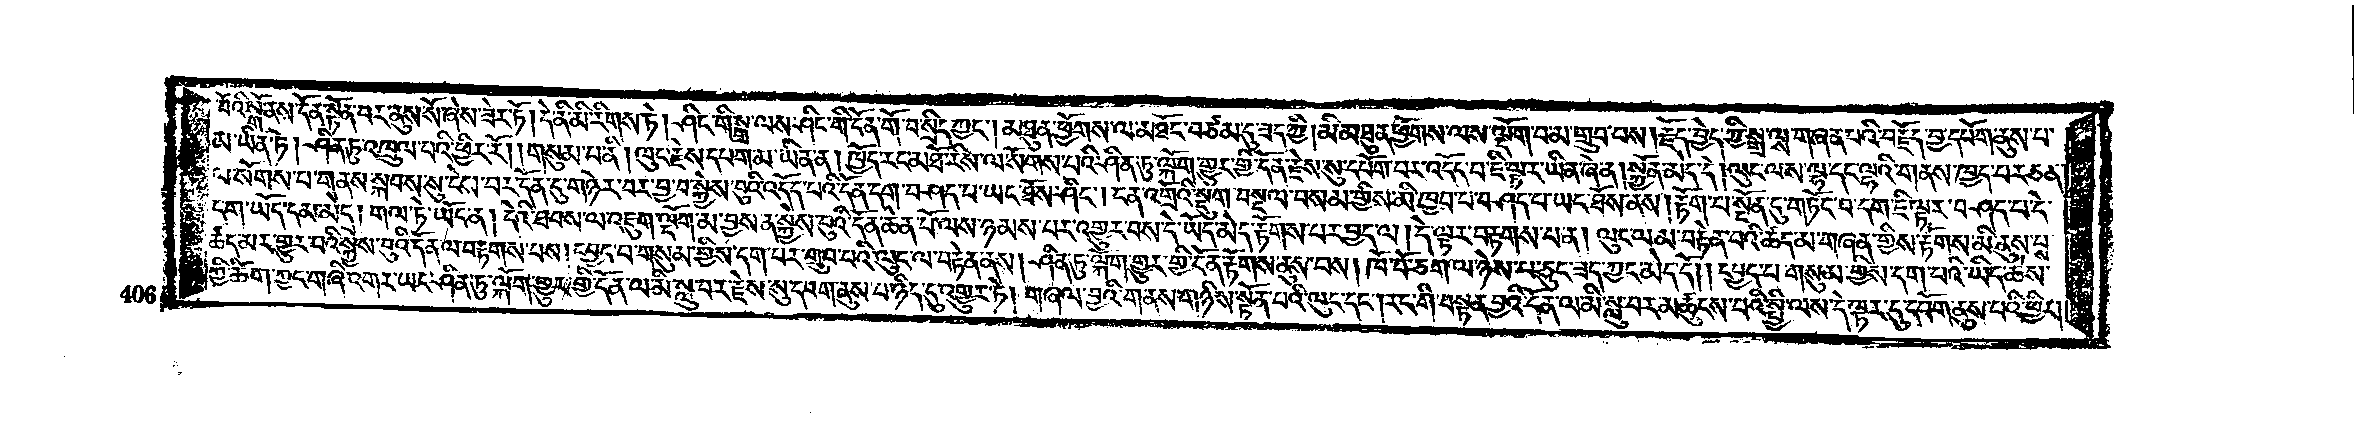པོའི་སྒོ་ནས་དོན་སྟོན་པར་ནུས་སོ་ཞེས་ཟེར་ཏོ། །དེ་ནི་རིགས་ཏེ། ཤིང་གི་སྒྲ་ལས་ཤིང་གི་དོན་གོ་བ་སྲིད་ཀྱང་། མཐུན་ཕྱོགས་ལ་མཐོང་བཙམ་དུ་ཟད་ཀྱི། མི་མཐུན་ཕྱོགས་ལས་ལྡོག་བམ་གྲུབ་པས། རྗོད་བྱེད་ཀྱི་སྒྲ་ལས་གཞན་པའི་བརྗོད་བྱ་དཔོག་ནུས་པ་
མ་ཡིན་ཏེ། ཤིན་ཏུ་འཁྲུལ་པའི་ཕྱིར་རོ། །གསུམ་པ་ནི། ལུང་རྗེས་དཔག་མ་ཡིན་ན། ཁྱོད་རང་མཐོ་རིས་ལ་སོགས་པའི་ཤིན་ཏུ་ལྐོག་གྱུར་གྱི་དོན་རྗེས་སུ་དཔོག་པར་འདོད་པ་ཇི་ལྟར་ཡིན་ཞེ་ན། སྐྱོན་མེད་དེ། ལུང་ལས་ལྷ་དང་ལྷའི་གནས་ཁྱད་པར་ཅན་
པ་སོགས་པ་གནས་སྐབས་སུ་ངེས་པར་དོན་དུ་གཉེར་བར་བྱ་བ་སྐྱེས་བུའི་འདོད་པའི་དོན་དག་བཤད་པ་ཡང་ཐོས་ཤིང་། ངན་འགྲོའི་སྡུག་བསྔལ་བསམ་གྱིས་མི་ཁྱབ་པ་བཤད་པ་ཡང་ཐོས་ནས། རྟོག་པ་སྔོན་དུ་གཏོང་བ་དག་ཇི་ལྟར་བཤད་པ་དེ་
དག་ཡོད་དམ་མེད། གལ་ཏེ་ཡོད་ན། དེའི་ཐབས་ལ་འཇུག་ལྡོག་མ་བྱས་ན་སྐྱེས་བུའི་དོན་ཆེན་པོ་ལས་ཉམས་པར་འགྱུར་བས་དེ་ཡོད་མེད་རྟོགས་པར་བྱད་ལ། དེ་ལྟར་བརྟགས་པ་ན། ལུང་ལམ་བརྟེན་པའི་ཚད་མ་གཞན་གྱིས་རྟོགས་མི་ནུས་པས་
ཚད་མར་གྱུར་པའི་སྐྱེས་བུའི་དོན་ལ་བརྟགས་པས། དབྱད་པ་གསུམ་གྱིས་དག་པར་གྲུབ་པའི་ལུང་ལ་བརྟེན་ནས། ཤིན་ཏུ་ལྐོག་གྱུར་གྱི་ངོན་རྟོགས་ནུས་པས། ཁོ་བོ་ཅག་ལ་ཉེས་པ་ཅུང་ཟད་ཀྱང་མེད་དོ། །དཔྱད་པ་གསུམ་གྱིས་དག་པའི་ཡིད་ཆོས་
གྱི་ཚིག་ཀྱང་གཞི་འགར་ཡང་ཤིན་ཏུ་ལྐོག་གྱུར་གྱི་དོན་ལ་མི་སླུ་བར་རྗེས་སུ་དཔག་ནུས་པ་ཉིད་དུ་འགྱུར་ཏེ། གཞལ་བྱའི་གནས་གཉིས་སྟོན་པའི་ལུང་དང་། རང་གི་བསྟན་བྱའི་དོན་ལ་མི་སླུ་བར་མཚུངས་པའི་སྤྱི་ལས་དེ་ལྟར་དུ་དཔོག་ནུས་པའི་ཕྱིར།